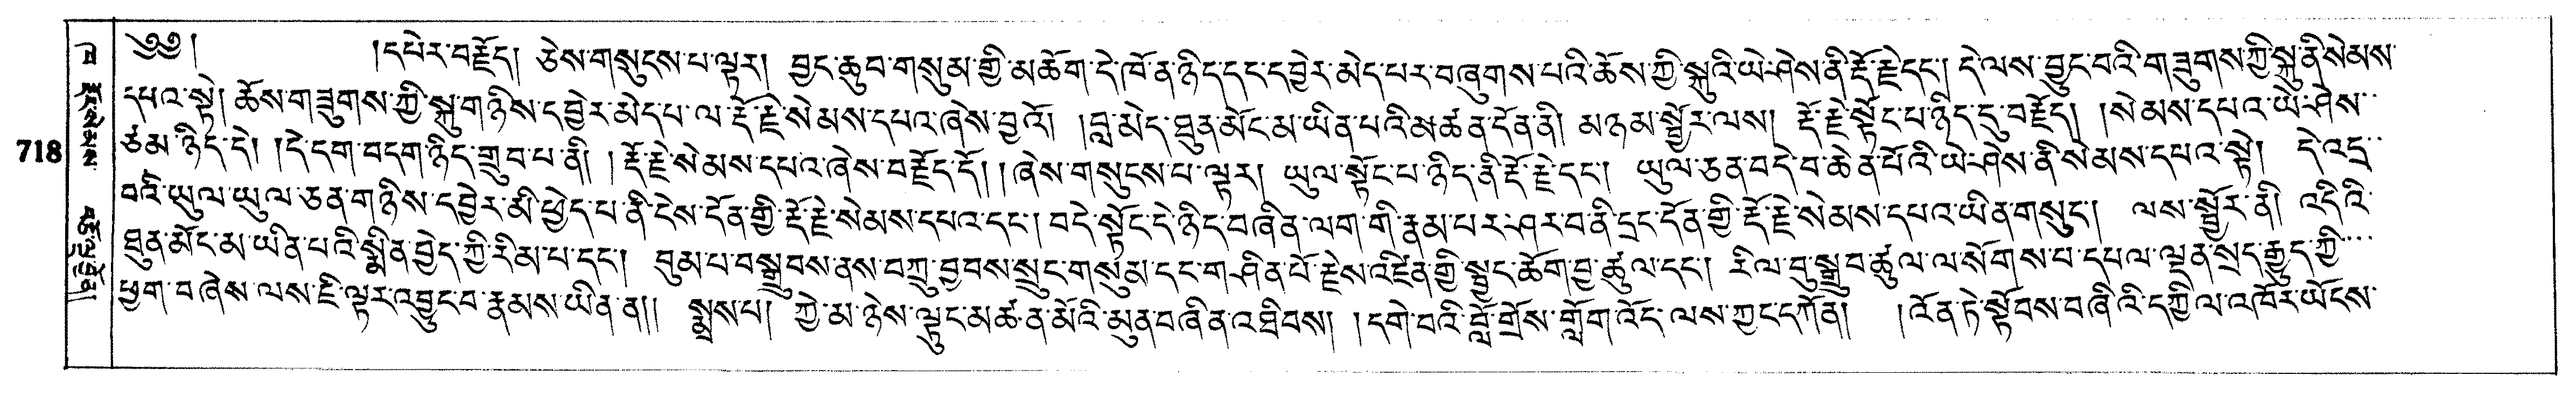༄༅། །དཔེར་བརྗོད། ཅེས་གསུངས་པ་ལྟར། བྱང་ཆུབ་གསུམ་གྱི་མཆོག་དེ་ཁོ་ན་ཉིད་དང་དབྱེར་མེད་པར་བཞུགས་པའི་ཆོས་ཀྱི་སྐུའི་ཡེ་ཤེས་ནི་རྡོ་རྗེ་དང་། དེ་ལས་བྱུང་བའི་གཟུགས་ཀྱི་སྐུ་ནི་སེམས་
དཔའ་སྟེ། ཆོས་གཟུགས་ཀྱི་སྐུ་གཉིས་དབྱེར་མེད་པ་ལ་རྡོ་རྗེ་སེམས་དཔའ་ཞེས་བྱའོ། །བླ་མེད་ཐུན་མོང་མ་ཡིན་པའི་མཚན་དོན་ནི། མཉམ་སྦྱོར་ལས། རྡོ་རྗེ་སྟོང་པ་ཉིད་དུ་བརྗོད། །སེམས་དཔའ་ཡེ་ཤེས་
ཙམ་ཉིད་དེ། །དེ་དག་བདག་ཉིད་གྲུབ་པ་ནི། །རྡོ་རྗེ་སེམས་དཔའ་ཞེས་བརྗོད་དོ། །ཞེས་གསུངས་པ་ལྟར། ཡུལ་སྟོང་པ་ཉིད་ནི་རྡོ་རྗེ་དང་། ཡུལ་ཅན་བདེ་བ་ཆེན་པོའི་ཡེ་ཤེས་ནི་སེམས་དཔའ་སྟེ། དེ་འདྲ་
བའི་ཡུལ་ཡུལ་ཅན་གཉིས་དབྱེར་མི་ཕྱེད་པ་ནི་ངེས་དོན་གྱི་རྡོ་རྗེ་སེམས་དཔའ་དང་། བདེ་སྟོང་དེ་ཉིད་བཞིན་ལག་གི་རྣམ་པར་ཤར་བ་ནི་དྲང་དོན་གྱི་རྡོ་རྗེ་སེམས་དཔའ་ཡིན་གསུང་། ལས་སྦྱོར་ནི། འདིའི་
ཐུན་མོང་མ་ཡིན་པའི་སྨིན་བྱེད་ཀྱི་རིམ་པ་དང་། བུམ་པ་བསྒྲུབས་ནས་བཀྲུ་བྱ་བས་སྲུང་གསུམ་དང་གཤིན་པོ་རྗེས་འཛིན་གྱི་སྦྱང་ཆོག་བྱ་ཚུལ་དང་། རིལ་བུ་སྒྲུབ་ཚུལ་ལ་སོགས་པ་དཔལ་ལྡན་སྲད་རྒྱུད་ཀྱི་
ཕྱག་བཞེས་ལས་ཇི་ལྟར་འབྱུང་བ་རྣམས་ཡིན་ན།། སྨྲས་པ། ཀྱེ་མ་ཉེས་ལྟུང་མཚན་མོའི་མུན་བཞིན་འཐིབས། །དགེ་བའི་བློ་གྲོས་གློག་འོད་ལས་ཀྱང་དཀོན། །འོན་ཏེ་སྟོབས་བཞིའི་དཀྱིལ་འཁོར་ཡོངས་